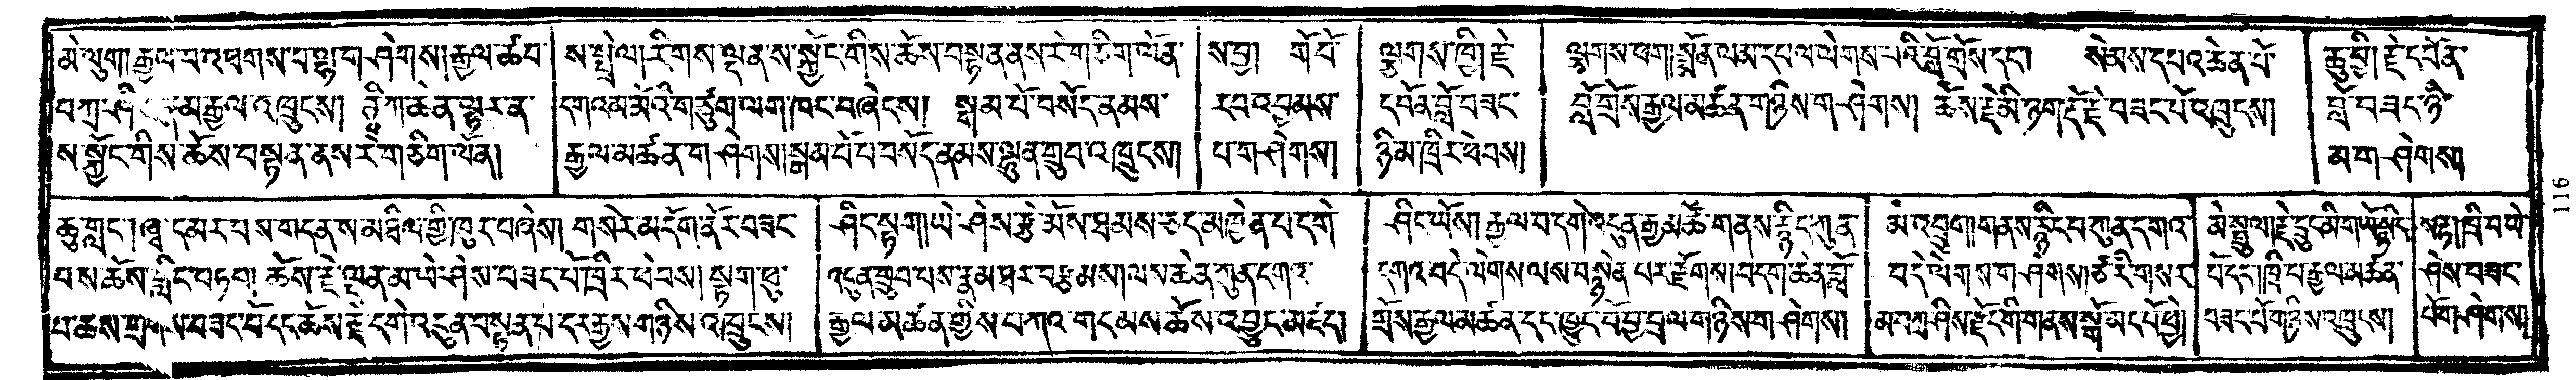མེ་ལུག། རྒྱལ་པ་འཕགས་པ་ལྷ་གཤེགས། རྒྱལ་ཚབ་ས་སྤྲེལ། རིགས་ལྡན་ས་སྐྱོང་གིས་ཆོས་བསྟན་ནས་རེ་གཅིག་ལོན་ས་བྱ། གོ་བོ་ལྕགས་ཁྱི། རྗེ་ལྕགས་ཕག། སྨོན་ལམ་དཔལ་ལེགས་པའི་བློ་གྲོས་དང་། སེམས་དཔའ་ཆེན་པོ་ཆུ་བྱི། རྗེ་དཔོན་
བཀྲ་ཤིང་རྣམ་རྒྱལ་འཁྲུངས། ཊཱི་ཀ་ཆེན་ལྟར་ན་དགཱམ་མོའི་གཙུག་ལག་ཁང་བཞེངས། སྒམ་པོ་བསོད་ནམས་རབ་འབྱམས་དབོན་བློ་བཟང་བློ་གྲོས་རྒྱལ་མཚན་གཉིས་གཤེགས། ཆོས་རྗེ་མི་ཉག་རྡོ་རྗེ་བཟང་པོ་འཁྲུངས། བློ་བཟང་ཉི་
ས་སྐྱོང་གིས་ཆོས་བསྟན་ནས་རེ་གཅིག་ལོན། རྒྱལ་མཚན་གཤེགས། སྒམ་པོ་པ་བསོད་ནམས་ལྷུན་གྲུབ་འཁྲུངས། པ་གཤེགས། ཉི་མ་ཁྲིར་ཕེབས། མ་གཤེགས།
ཆུ་གླང་། ཞྭ་དམར་པས་གདན་ས་མཐིལ་གྱི་ཁུར་བཞེས། གསེར་མདོག་ནོར་བཟང་། ཤིང་སྟག །ཡེ་ཤེས་རྩེ་མོས་ཐམས་ཅད་མཁྱེན་པ་དགེ་ཤིང་ཡོས། རྒྱལ་བ་དགེ་འདུན་རྒྱ་མཚོ་གནས་རྙིང་ཀུན་མེ་འབྲུག །གནས་རྙིང་བཀུན་དགའ་མེ་སྦྲུལ། རྗེ་དྲུང་མི་གཡོ་སྙིང་ས་རྟ། ཁྲི་བ་ཡེ་
པས་ཆོས་གླིང་བཏབ། ཆོས་རྗེ་ལྡན་མ་ཡེ་ཤེས་བཟང་པོ་ཁྲིར་ཕེབས། སྟག་ཕུ་འདུན་གྲུབ་པས་རྣམ་ཐར་བརྩམས། ལས་ཆེན་ཀུན་དགའ་དགའ་བདེ་ལེགས་ལས་བསྙེན་པར་རྫོགས། བདག་ཆེན་བློ་བདེ་ལེགས་གཤེགས། ཙ་རི་གསར་པོ་དང་། ཁྲི་པ་རྒྱལ་མཚན་ཤེས་བཟང་
པ་ཆས་གྲགས་བཟང་པོ་དང་ཆོས་རྗེ་དགེ་འདུན་བསྟན་པ་དར་རྒྱས་གཉིས་འཁྲུངས། རྒྱལ་མཚན་གྱིས་བཀའ་གདམས་ཆོས་འབྱུང་མཛད། གྲོས་རྒྱལ་མཚན་དང་ཁྱུང་བོ་བྱ་བྲལ་གཉིས་གཤེགས། མ་བཀྲ་ཤིས་རྫོང་གི་གནས་སྒོ་མང་པོ་ཕྱེ། བཟང་པོ་གཉིས་འཁྲུངས། པོ་གཤེགས།